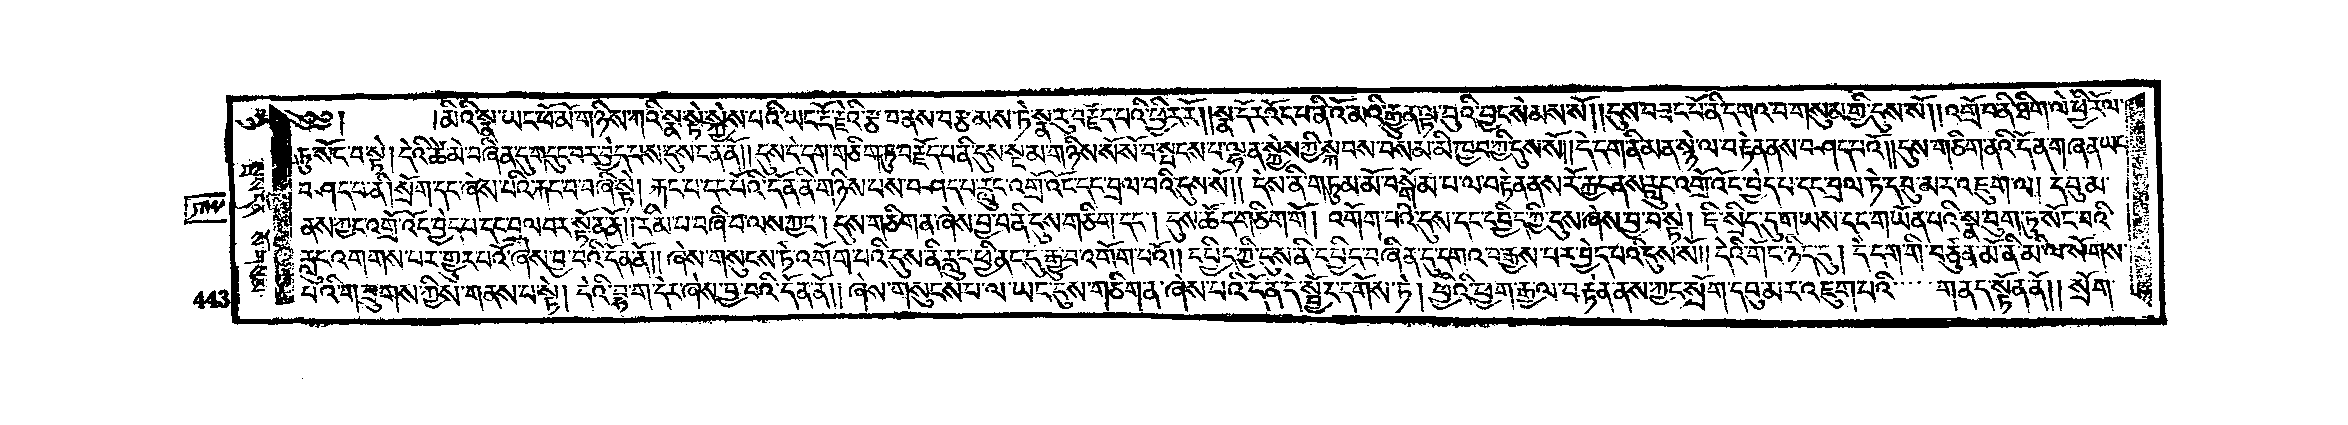༄༅། །མིའི་སྣ་ཡང་ཕོ་མོ་གཉིས་ཀའི་སྣ་སྟེ་སྐྱེས་པའི་ཡང་རྡོ་རྗེའི་རྩ་བ་ནས་བརྩམས་ཏེ་སྣ་རུ་བརྗོད་པའི་ཕྱིར་རོ། །སྣ་དེར་འོང་པ་ནི་འོ་མའི་རྒྱུན་ལྟ་བུའི་བྱང་སེམས་སོ། །དུས་བཟང་པོ་ནི་དགའ་བ་གསུམ་གྱི་དུས་སོ། །འགྲོ་བ་ནི་ཐིག་ལེ་ཕྱི་རོལ་
ཏུ་སོང་བ་སྟེ། དེའི་ཚེ་མེ་བཞིན་དུ་གདུང་བར་བྱེད་པས་དུས་ངན་ནོ། །དུས་དེ་དག་གཅིག་ཏུ་བརྗོད་པ་ནི་དུས་སྔ་མ་གཉིས་སོ་སོ་བ་སྤངས་པ་ལྷ་སྐྱེས་ཀྱི་སྐབས་བསམ་མི་ཁྱབ་ཀྱི་དུས་སོ། །དེ་དག་ནི་མན་སྙེ་ལ་བརྟེན་ནས་བཤད་པའོ། །དུས་གཅིག་ནའི་དོན་གཞན་ཡང་
བཤད་པ་ནི། སྲོག་དང་ཞེས་པའི་རྐང་པ་བཞི་སྟེ། རྐང་པ་དང་པོའི་དོན་ནི་གཉིས་པས་བཤད་པ་རླུང་འགྲོ་འོང་དང་བྲལ་བའི་དུས་སོ། །དེས་ནི་གཏུམ་མོ་བསྒོམ་པ་ལ་བརྟེན་ནས་རོ་རྐྱང་ནས་རླུང་འགྲོ་འོང་བྱེད་པ་དང་བྲལ་ཏེ་དབུ་མར་འཇུག་ལ། དབུ་མ་
ནས་ཀྱང་འགྲོ་འོང་བྱེད་པ་དང་བྲལ་བར་སྟོན་ནོ། །རིམ་པ་བཞི་པ་ལས་ཀྱང་། དུས་གཅིག་ན་ཞེས་བྱ་བ་ནི་དུས་གཅིག་དང་། དུས་ཚོད་གཅིག་གོ །འགོག་པའི་དུས་དང་དབྱིད་ཀྱི་དུས་ཞེས་བྱ་བ་སྟེ། ཇི་སྲིད་དུ་གཡས་དང་གཡོན་པའི་སྣ་བུག་ཏུ་སོང་བའི་
རླུང་འགགས་པར་གྱུར་པའོ་ཞེས་བྱ་བའི་དོན་ནོ། །ཞེས་གསུངས་ཏེ་འགོག་པའི་དུས་ནི་རླུང་ཕྱི་ནང་དུ་རྒྱུ་བ་འགོག་པའོ། །དཔྱིད་ཀྱི་དུས་ནི་དཔྱིད་བཞིན་དུ་དགའ་བ་རྒྱས་པར་བྱེད་པའི་དུས་སོ། །དེའི་གོང་ཉིད་དུ། དེ་དག་གི་བཙུན་མོ་ནི་མི་ལ་སོགས་
པའི་གཟུགས་ཀྱིས་གནས་པ་སྟེ། དེའི་བྷ་ག་དེར་ཞེས་བྱ་བའི་དོན་ནོ། །ཞེས་གསུངས་པ་ལ་ཡང་དུས་གཅིག་ན་ཞེས་པའི་དོན་དེ་སྦྱོར་དགོས་ཏེ། ཕྱིའི་ཕྱག་རྒྱ་ལ་བརྟེན་ནས་ཀྱང་སྲོག་དབུ་མར་འཇུག་པའི་གནད་སྟོན་ནོ། །སྲོག་